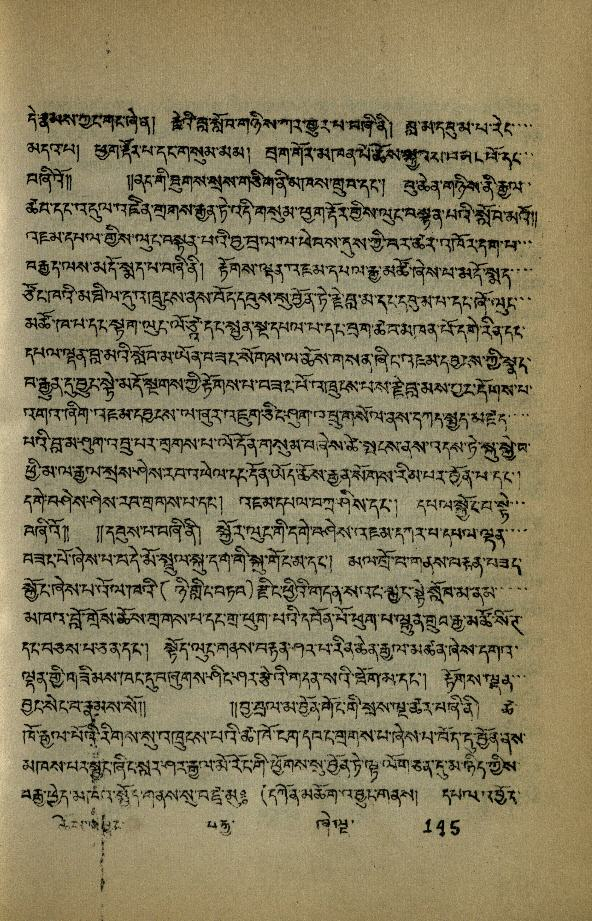དེ་རྣམས་ཀྱང་གང་ཞེ་ན། རྗེའི་བླ་སློབ་གཉིས་ཀར་གྱུར་པ་བཞི་ནི། བླ་མ་དབུ་མ་པ་རེང་
མདའ་པ། ཕྱག་རྡོར་པ་དང་གསུམ་མམ། བྲག་གོར་མཁན་པོ་ཆོས་སྐྱབས་བ་མང་པོ་དང་
བཞིའོ།། །།ནང་གི་ཐུགས་སྲས་གཅིག་ནི་མཁས་གྲུབ་དང་། བུ་ཆེན་གཉིས་ནི་རྒྱལ་
ཚབ་དང་འདུལ་འཛིན་གྲགས་རྒྱན་ཏེ་འདི་གསུམ་ཕྱག་རྡོར་གྱིས་ལུང་བསྟན་པའི་སློབ་མའོ།།
འཇམ་དཔལ་གྱིས་ལུང་བསྟན་པའི་བྱ་བྲལ་ལ་ཕེབས་དུས་ཀྱི་བར་ཚར་འཁོར་དག་པ་
བརྒྱད་ལས་མདོ་སྨད་པ་བཞི་ནི། རྟོགས་ལྡན་འཇམ་དཔལ་རྒྱ་མཚོ་ཞེས་པ་མདོ་སྨད་
ཙོང་ཁའི་མཐིལ་དུ་འཁྲུངས་ནས་བོད་དབུས་སུ་བྱོན་ཏེ་རྗེ་བླ་མ་དང་དབུ་མ་པ་དང་ཞོ་ལུང་
མཚོ་ཁ་པ་དང་སྟག་ལུང་ལོ་ཙཱ་དང་སྤྱན་སྔ་དཔལ་པ་དང་བྲག་ཚབ་མཁན་པོ་དགེ་རིན་དང་
དཔལ་ལྡན་བླ་མའི་སློབ་མ་ཡོན་བཟང་སོགས་ལ་ཆོས་གསན་ཞིང་འཇམ་དབྱངས་ཀྱི་སྣང་
བ་རྒྱུན་དུ་བྱུང་སྟེ་མདོ་སྔགས་ཀྱི་རྟོགས་པ་བཟང་པོ་འཁྲུངས་པས་རྗེ་བླ་མས་བྱང་དོགས་པ་
འགའ་ཞིག་འཇམ་དབྱངས་ལ་ཞུར་འཇུག་ཅིང་ཤུག་འྤྲུ་གསོལ་ནས་དཀད་སྦྱད་མཛད་
པའི་བླ་མ་ཤུག་འབྲུ་པར་གྲགས་པ་ལོ་དོན་གསུམ་བཞེས་ཚེ་སྤངས་ནས་འདས་ཏེ་སྐུ་སྐྱེ་བ་
ཕྱི་མ་ལ་རྒྱལ་སྲས་ཤེས་རབ་འཕེལ་དང་དོན་ཡོད་ཆོས་རྒྱན་སོགས་རིམ་པར་བྱོན་པ་དང་།
དགེ་བཤེས་ཤེས་རབ་གྲགས་པ་དང་། འཇམ་དཔལ་བཀྲ་ཤིས་དང་། དཔལ་སྐྱོང་བ་སྟེ་
བཞིའོ།། །།དབུས་པ་བཞི་ནི། སྐྱོར་ལུང་གི་དགེ་བཤེས་འཇམ་དཀར་པ་དཔལ་ལྡན་
བཟང་པོ་ཞེས་པ་བདེ་མོ་སྤྲུལ་སྐུ་དག་གི་སྐུ་གོང་མ་དང་། མལ་གྲོ་བ་གནས་བརྟན་བཟད་
སྐྱོང་ཞེས་པ་འོལ་ཁའི་ཉི་གླིང་བཏབ་རྫིང་ཕྱིའི་གདན་སའང་སྐྱང་སྟེ་སློབ་མ་ནམ་
མཁའ་བློ་གྲོས་ཆོས་གྲགས་པ་དང་གྲ་ཕུག་པའི་དབོན་པོ་ཕུག་པ་ལྷུན་གྲུབ་རྒྱ་མཚོ་སོཊ་
དང་བཅས་པ་ཅན་དང་། སྟོད་ལུང་གནས་བརྟན་ཤར་པ་རིན་ཆེན་རྒྱལ་མཚན་ཞེས་དགའ་
ལྡན་གྱི་གཟིམས་ཁང་དུ་བཞུགས་ཤིང་ཤར་རྩེའི་གདན་སའི་ཐོག་མ་དང་། རྟོགས་ལྡན་
བྱང་སེང་བ་རྣམས་སོ།། །།བྱ་བྲལ་མ་བྱོན་གོང་གི་སྲས་ལྔ་ཚར་པ་ཞི་ནི། ཚ་
ཁོ་རྒྱལ་པོའི་རིགས་སུ་འཁྲུངས་པའི་ཚ་ཁོ་ངག་དབང་གྲགས་པ་ཞེས་པ་བོད་དུ་བྱོན་ནས་
མཁས་པར་སྦྱང་ཞིང་སླར་ཤར་རྒྱལ་མོ་རོང་གི་ཕྱོགས་སུ་བྱོན་ཏེ་ལྟ་ལོག་ཅན་དུ་མ་ཉིད་ཀྱིས་
བརྒྱ་ཕྱེད་མཁའ་སྤྱོད་གནས་སུ་བཛྲ་མུཿ དཀོན་མཆོག་འབྱུང་གནས། དཔལ་འབྱོར་